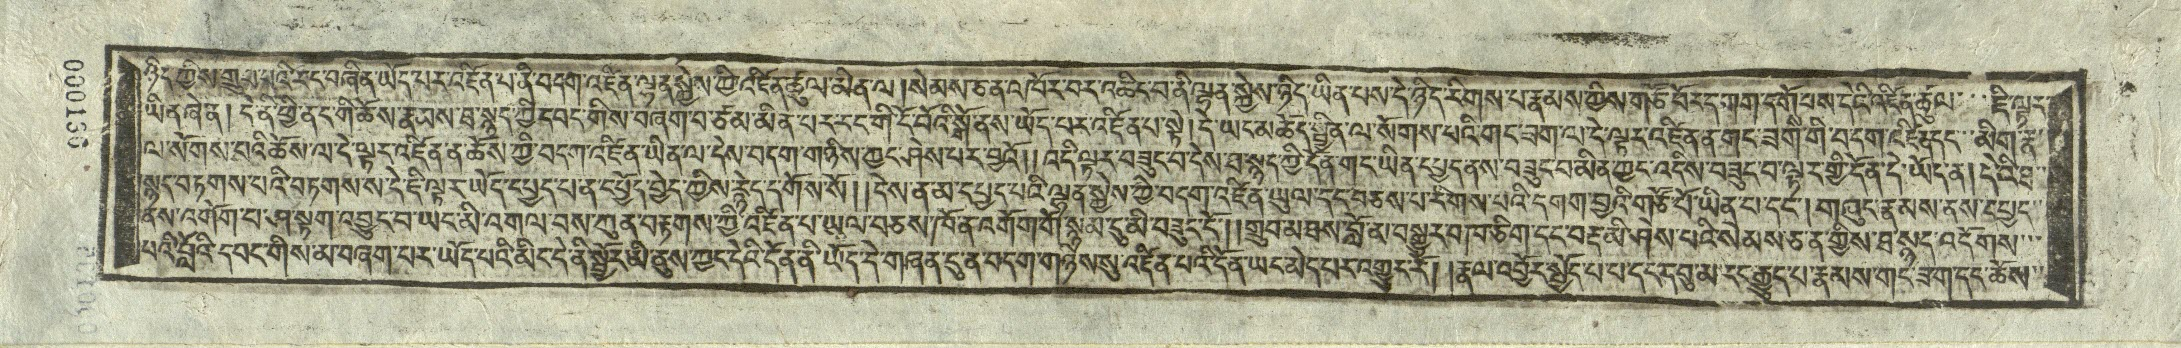ཉིད་ཀྱིས་གྲུབ་པའི་རང་བཞིན་ཡོད་པར་འཛིན་པ་ནི་བདག་འཛིན་ལྷན་སྐྱེས་ཀྱི་འཛིན་ཚུལ་མིན་ལ། སེམས་ཅན་འཁོར་བར་འཆིང་བ་ནི་ལྷན་སྐྱེས་ཉིད་ཡིན་པས་དེ་ཉིད་རིགས་པ་རྣམས་ཀྱིས་གཙོ་བོར་དགག་དགོས་པས་དེའི་འཛིན་ཚུལ་ཇི་ལྟར་
ཡིན་ཞེ་ན། དེ་ནི་ཕྱི་ནང་གི་ཆོས་རྣམས་ཐ་སྙད་ཀྱི་དབང་གིས་བཞག་པ་ཙམ་མིན་པར་རང་གི་ངོ་བོའི་སྒོ་ནས་ཡོད་པར་འཛིན་པ་སྟེ། དེ་ཡང་མཆོད་སྦྱིན་ལ་སོགས་པའི་གང་ཟག་ལ་དེ་ལྟར་འཛིན་ན་གང་ཟག་གི་བདག་འཛིན་དང་མིག་རྣ་
ལ་སོགས་པའི་ཆོས་ལ་དེ་ལྟར་འཛིན་ན་ཆོས་ཀྱི་བདག་འཛིན་ཡིན་ལ་དས་བདག་གཉིས་ཀྱང་ཤེས་པར་བྱའོ། །འདི་ལྟར་བཟུང་བ་དེས་ཐ་སྙད་ཀྱི་དོན་གང་ཡིན་དཔྱད་ནས་བཟུང་བ་མིན་ཀྱང་འདིས་བཟུང་བ་ལྟར་གྱི་དོན་དེ་ཡོད་ན། དེའི་ཐ་
སྙད་བཏགས་པའི་བཏགས་ས་དེ་ཇི་ལྟར་ཡོད་དཔྱད་པ་ན་དཔྱོད་བྱེད་ཀྱིས་རྙེད་དགོས་སོ། །དེས་ན་མ་དཔྱད་པའི་ལྷན་སྐྱེས་ཀྱི་བདག་འཛིན་ཡུལ་དང་བཅས་པ་རིགས་པའི་དགག་བྱའི་གཙོ་བོ་ཡིན་པ་དང་། གཞུང་རྣམས་ནས་དཔྱད་
ནས་འགོག་པ་ཤ་སྟག་འབྱུང་བ་ཡང་མི་འགལ་བས་ཀུན་བརྟགས་ཀྱི་འཛིན་པ་ཡུལ་བཅས་ཁོ་ན་འགོག་གོ་སྙམ་དུ་མི་བཟུང་ངོ། །གྲུབ་མཐས་བློ་མ་བསྒྱུར་བ་ཁ་ཅིག་དང་བརྡ་མི་ཤེས་པའི་སེམས་ཅན་གྱིས་ཐ་སྙད་འདོགས་
པའི་བློའི་དབང་གིས་མ་བཞག་པར་ཡོད་པའི་མིང་དེ་ནི་སྦྱོར་མི་ནུས་ཀྱང་དེའི་དོན་ནི་ཡོད་དེ་གཞན་དུ་ན་བདག་གཉིས་སུ་འཛིན་པའི་དོན་ཡང་མེད་པར་འགྱུར་རོ། །རྣལ་འབྱོར་སྤྱོད་པ་པ་དང་དབུ་མ་རང་རྒྱུད་པ་རྣམས་གང་ཟག་དང་ཆོས་